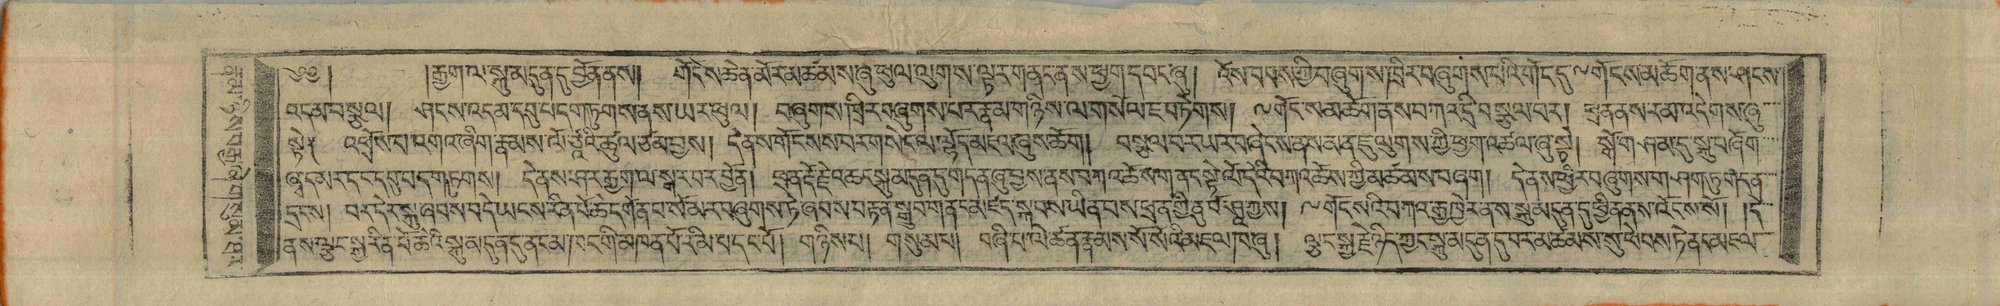༄༅། །རྒྱག་ལ་སྐུ་མདུན་དུ་བྱོན་ནས། གོང་ས་ཆེན་མོར་མཚམས་ཞུ་ཕུལ་ལུགས་ལྟར་གནང་ནས་ཕྱག་དབང་ཞུ། འོས་བབས་ཀྱི་བཞུགས་ཁྲིར་བཞུགས་པའི་གོང་དུ་༧གོང་ས་མཆོག་ནས་ཤངས་
འདམ་བསྩལ། ཤངས་འདམ་དབུ་པད་གཏུགས་ནས་ཡར་ཕུལ། བཞུགས་ཁྲིར་བཞུགས་པར་རྣམ་གཉིས་ལ་གསོལ་ཇ་བ་ཏེགས། ༧གོང་ས་མཆོག་ནས་བཀའ་དྲི་བསྩལ་བར། ཕྲན་ནས་རམ་འདེགས་ཞུ་
སྟེ༑ འཕྲོས་པ་འགའ་ཞིག་རྣམས་ལོ་ཙཱའི་ཚུལ་ཙམ་བྱས། དེ་ནས་གོང་སས་བར་གསེང་ལ་ལྷོད་མཇལ་ཞུས་ཆོག །བསྩལ་བར་ཡར་བཞེངས་ནས་མན་ཇུ་ལུགས་ཀྱི་ཕྱག་འཚལ་ཞུ་སྟེ། སྒོ་གཤམ་དུ་སྐུ་བཞོག་
ཞྭ་དམར་དང་དབུ་པད་གཏུགས། དེ་ནས་ཤར་རྒྱག་ལ་སྒར་བར་བྱོན། ཕྲན་རྡོ་རྗེ་འཆང་སྐུ་མདུན་དུ་གདན་ཞུ་བྱས་ནས་བཀའ་ཆོས་གནང་སྟེ་ལོ་དེའི་བཀའ་ཆོས་ཀྱི་མཚམས་བཞག །དེ་ནས་ཕྱིར་བཞུགས་གཤག་ཏུ་གདན་
དྲངས། བར་དེར་སྐུ་ཞབས་བདེ་ཡངས་རིན་པོ་ཆེ་དགོན་པ་སོ་མར་བཞུགས་ཏེ་ཞབས་བརྟན་སྒྲུབ་གནང་མཛད་སྐབས་ཡིན་པས་ཕྲན་གྱི་ནུ་བོ་ཤཱ་ཀྱས། ༧གོང་སའི་བཀའ་རྒྱ་ཁྱེར་ནས་སྐུ་མདུན་དུ་ཕྱིན་ནས་འོངས་སོ། །དེ་
ནས་ལྕང་སྐྱ་རིན་པོ་ཆེའི་སྐུ་མདུན་དུ་ནང་མ་ཁང་གི་མཁན་པོ་རིམ་པ་དང་པོ། གཉིས་པ། གསུམ་པ། བཞི་པ་ལེ་ཚན་རྣམས་སོ་སོའི་མཇལ་ཁ་ཞུ། ལྕང་སྐྱ་ཉིད་ཀྱང་སྐུ་མདུན་དུ་བར་མཚམས་སུ་ཕེབས་ཏེ་ནང་མཇལ་